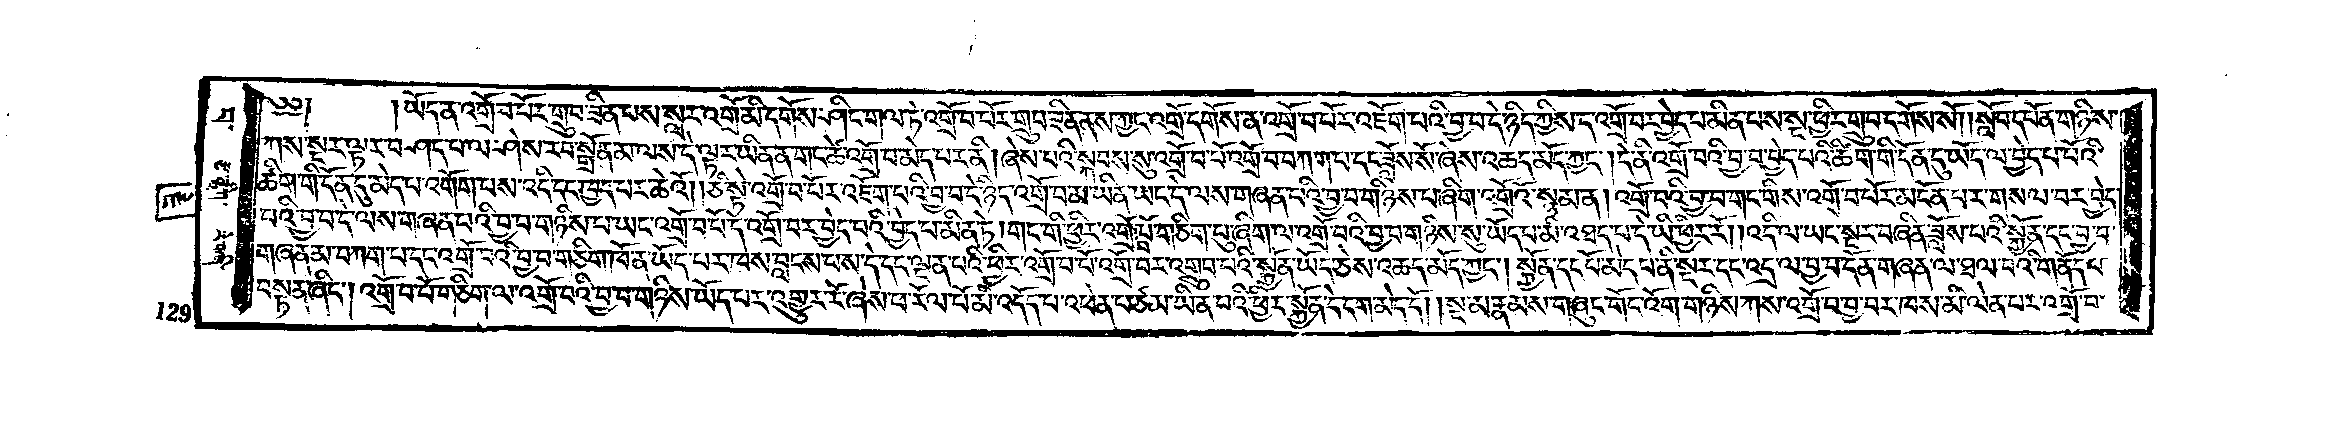༄༅། །ཡོད་ན་འགྲོ་བ་པོར་གྲུབ་ཟིན་པས་སླར་འགྲོ་མི་དགོས་ཤིང་གལ་ཏེ་འགྲོ་བ་པོར་གྲུབ་ཟིན་ནས་ཀྱང་འགྲོ་དགོས་ན་འགྲོ་བ་པོར་འཇོག་པའི་བྱ་བ་དེ་ཉིད་ཀྱིས་ད་འགྲོ་བར་བྱེད་པ་མིན་པས་སྔ་ཕྱིར་གྲུབ་དགོས་སོ། །སློབ་དཔོན་གཉིས་
ཀས་སྔར་ལྟར་བཤད་པ་ལ་ཤེས་རབ་སྒྲོན་མ་ལས་དེ་ལྟར་ཡིན་ན་གང་ཚེ་འགྲོ་བ་མེད་པར་ནི། ཞེས་པའི་སྐབས་སུ་འགྲོ་བ་པོ་འགྲོ་བ་བཀག་པ་དང་ཟློ་སོ་ཞེས་འཆད་མོད་ཀྱང་། དེ་ནི་འགྲོ་བའི་བྱ་བ་བྱེད་པའི་ཚིག་གི་དོན་དུ་ཡོད་ལ་བྱེད་པ་པོའི་
ཚིག་གི་དོན་དུ་མེད་པ་འགོག་པས་འདི་དང་ཁྱད་པར་ཆེའོ། །ཅི་སྟེ་འགྲོ་བ་པོར་འཇོག་པའི་བྱ་བ་དེ་ཉིད་འགྲོ་བ་མ་ཡིན་ཡང་དེ་ལས་གཞན་པའི་བྱ་བ་གཉིས་པ་ཞིག་འགྲོའོ་སྙམ་ན། འགྲོ་བའི་བྱ་བ་གང་གིས་འགྲོ་བ་པོར་མངོན་པར་གསལ་བར་བྱེད་
པའི་བྱ་བ་དེ་ལས་གཞན་པའི་བྱ་བ་གཉིས་པ་ཡང་འགྲོ་བ་པོ་དེ་འགྲོ་བར་བྱེད་པའི་བྱེད་པ་མིན་ཏེ། གང་གི་ཕྱིར་འགྲོ་བ་པོ་གཅིག་པུ་ཞིག་ལ་འགྲོ་བའི་བྱ་བ་གཉིས་སུ་ཡོད་པ་མི་ཡི་ཕྱིར་རོ། །འདི་ལ་ཡང་སྔར་བཞིན་ཟློས་པའི་སྐྱོན་དང་བྱ་བ་
གཞན་མ་བཀག་པ་དང་འགྲོ་བའི་བྱ་བ་གཅིག་ཁོ་ན་ཡོད་པར་ཁས་བླངས་པས་དེ་དང་ལྡན་པའི་ཕྱིར་འགྲོ་བ་པོ་འགྲོ་བར་འགྲུབ་པའི་སྐྱོན་ཡོད་ཅེས་འཆད་མོད་ཀྱང་། སྐྱོན་དང་པོ་མེད་པ་ནི་སྔར་དང་འདྲ་ལ་བྱ་བ་དོན་གཞན་ལ་ཐལ་བའི་གནོད་པ་
བསྟན་ཞིང་། འགྲོ་བ་པོ་གཅིག་ལ་འགྲོ་བའི་བྱ་བ་གཉིས་ཡོད་པར་འགྱུར་རོ་ཞེས་ཕ་རོལ་པོ་མི་འདོད་པ་འཕེན་པ་ཙམ་ཡིན་པའི་ཕྱིར་སྐྱོན་དེ་དག་མེད་དོ། །སྔ་མ་རྣམས་གཞུང་གོང་འོག་གཉིས་ཀ་ས་འགྲོ་བ་བྱ་བར་ཁས་མི་ལེན་པར་འགྲོ་བ་